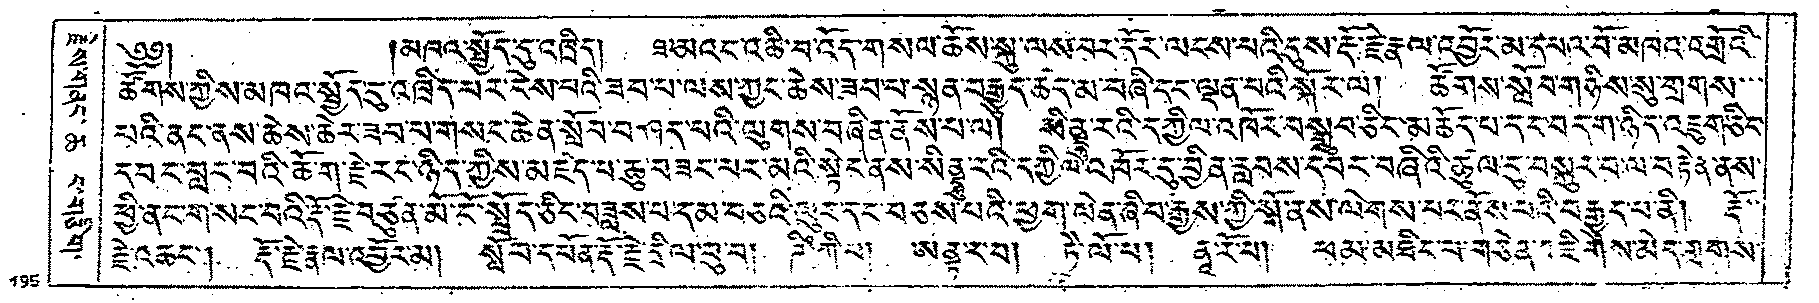༄༅། །མཁའ་སྤྱོད་དུ་འཁྲིད། ཐ་མའང་འཆི་བ་འོད་གསལ་ཆོས་སྐུ་ལས་བར་དོར་ལངས་པའི་དུས་རྡོ་རྗེ་རྣལ་འབྱོར་མ་དཔའ་བོ་མཁའ་འགྲོའི་
ཚོགས་ཀྱིས་མཁའ་སྤྱོད་དུ་འཁྲིད་པར་ངེས་པའི་ཟབ་པ་ལས་ཀྱང་ཆེས་ཟབ་པ་སྙན་བརྒྱུད་ཚད་མ་བཞི་དང་ལྡན་པའི་སྐོར་ལ། ཚོགས་སློབ་གཉིས་སུ་གྲགས་
པའི་ནང་ནས་ཆེས་ཆེར་ཟབ་པ་གསང་ཆེན་སློབ་བཤད་པའི་ལུགས་བཞིན་ནོས་པ་ལ། སིནྡྷུ་རའི་དཀྱིལ་འཁོར་བསྒྲུབ་ཅིང་མཆོད་པ་དང་བདག་ཉིད་འཇུག་ཅིང་
དབང་བླང་བའི་ཆོ་ག་རྗེ་རང་ཉིད་ཀྱིས་མཛད་པ་ཆུ་བཟང་བར་མའི་སྟེང་ནས་སིནྡྷུ་རའི་དཀྱིལ་འཁོར་དུ་བྱིན་རླབས་དབང་བཞིའི་ཚུལ་དུ་བསྐུར་བ་ལ་བརྟེན་ནས་
ཕྱི་ནང་གསང་བའི་རྡོ་རྗེ་བཙུན་མོ་ངོ་སྤྲོད་ཅིང་བཟླས་པ་དམ་བཅའི་ལུང་དང་བཅས་པའི་ཕྱག་ལེན་ཞིབ་རྒྱས་ཀྱི་སྒོ་ནས་ལེགས་པར་ནོས་པའི་བརྒྱུད་པ་ནི། རྡོ་
རྗེ་འཆང་། རྡོ་རྗེ་རྣལ་འབྱོར་མ། སློབ་དཔོན་རྡོ་རྗེ་དྲིལ་བུ་བ། ཌིཾ་ཀི་པ། ཨནྟ་ར་བ། ཏཻ་ལོ་པ། ནཱ་རོ་པ། ཕམ་མཐིང་པ་གཅེན་འཇིགས་མེད་གྲགས་